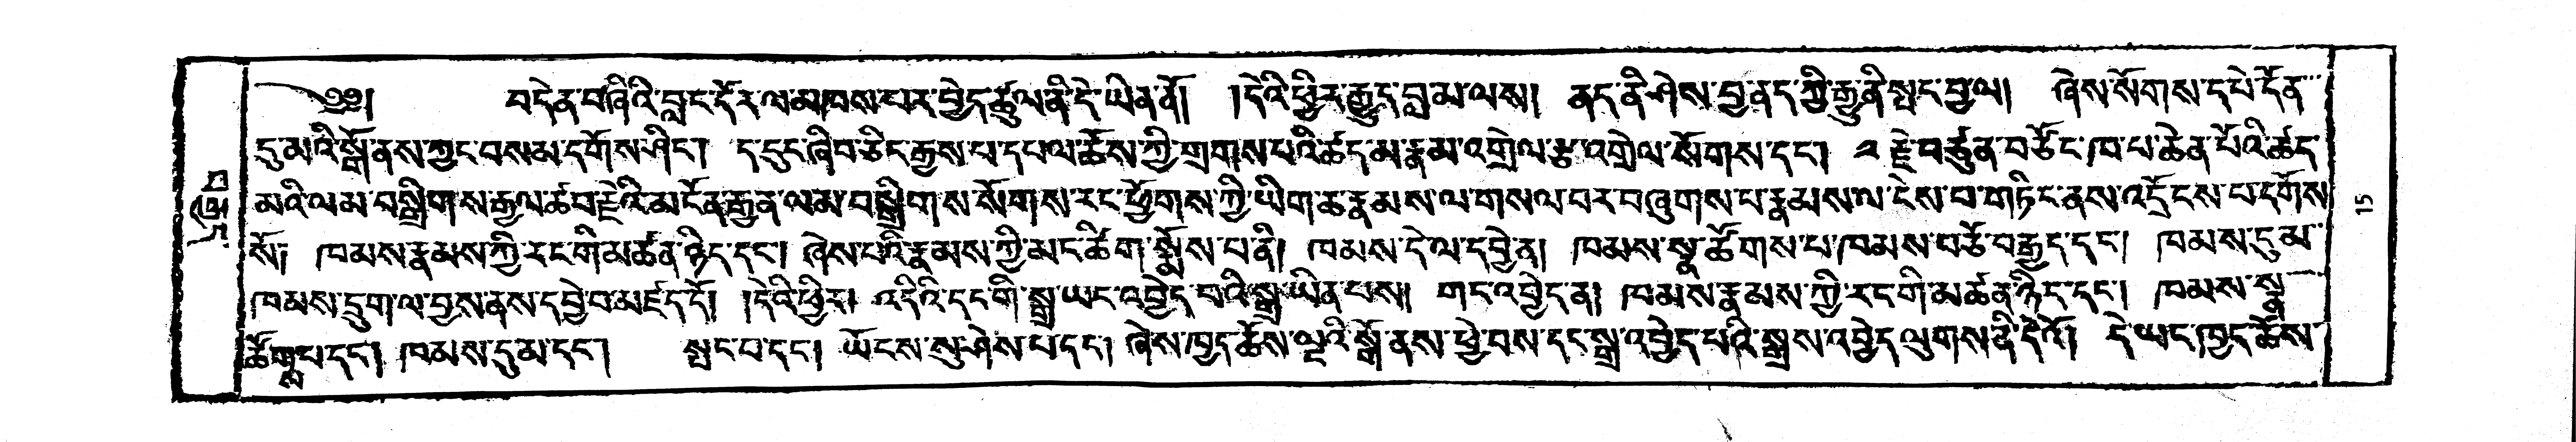༄༅། །བདེན་བཞིའི་བླང་དོར་ལ་མཁས་པར་བྱེད་ཚུལ་ནི་དེ་ཡིན་ནོ། །དེའི་ཕྱིར་རྒྱུད་བླ་མ་ལས། ནད་ནི་ཤེས་བྱ་ནད་ཀྱི་རྒྱུ་ནི་སྤང་བྱ་ལ། ཞེས་སོགས་དཔེ་དོན་
དུ་མའི་སྒོ་ནས་ཀྱང་བསམ་དགོས་ཤིང་། ད་དུང་ཞིབ་ཅིང་རྒྱས་པ་དཔལ་ཆོས་ཀྱི་གྲགས་པའི་ཚད་མ་རྣམ་འགྲེལ་རྩ་འགྲེལ་སོགས་དང་། རྗེ་བཙུན་བཙོང་ཁ་པ་ཆེན་པོའི་ཚད་
མའི་ལམ་བསྒྲིགས་རྒྱལ་ཚབ་རྗེའི་མངོན་རྒྱན་ལམ་བསྒྲིགས་སོགས་རང་ཕྱོགས་ཀྱི་ཡིག་ཆ་རྣམས་ལ་གསལ་བར་བཞུགས་པ་རྣམས་ལ་ངེས་པ་གཏིང་ནས་འདྲོངས་པ་དགོས་
སོ། ཁམས་རྣམས་ཀྱི་རང་གི་མཚན་ཉིད་དང་། ཞེས་པའི་རྣམས་ཀྱི་མང་ཚིག་སྨོས་པ་ནི། ཁམས་དེ་ལ་དབྱེ་ན། ཁམས་སྣ་ཚོགས་པ་ཁམས་བཅོ་བརྒྱད་དང་། ཁམས་དུ་མ་
ཁམས་དྲུག་ལ་བྱས་ནས་དབྱེ་བ་མཛད་དོ། །དེའི་ཕྱིར། འདིའི་དང་གི་སྒྲ་ཡང་འབྱེད་པའི་སྒྲ་ཡིན་པས། གང་འབྱེད་ན། ཁམས་རྣམས་ཀྱི་རང་གི་མཚན་ཉིད་དང་། ཁམས་སྣ་
ཚོགས་པ་དང་། ཁམས་དུ་མ་དང་། སྤང་བ་དང་། ཡོངས་སུ་ཤེས་པ་དང་། ཞེས་ཁྱད་ཆོས་ལྔའི་སྒོ་ནས་ཕྱེ་བས་དང་སྒྲ་འབྱེད་པའི་སྒྲས་འབྱེད་ལུགས་ནི་དེའོ། དེ་ཡང་ཁྱད་ཆོས་